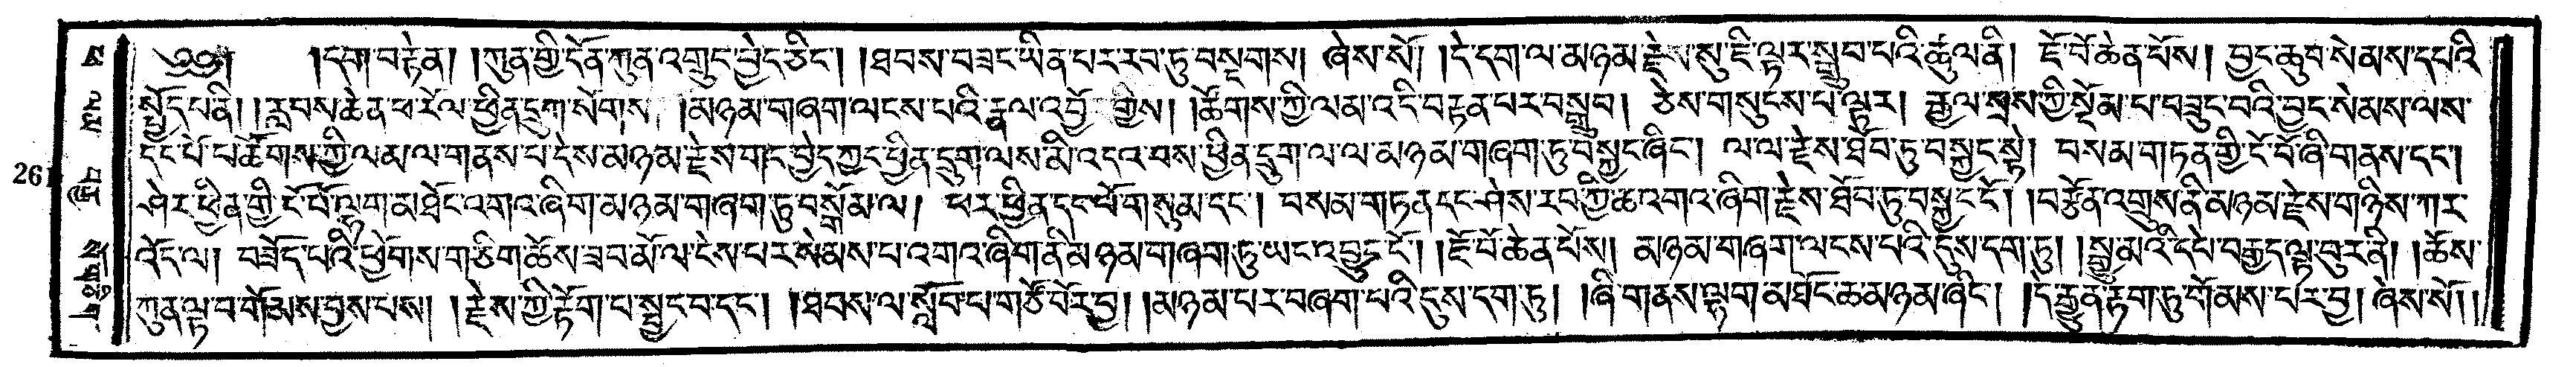༄༅། །དག་བརྟེན། །ཀུན་གྱི་དོན་ཀུན་འགྲུང་བྱེད་ཅིང་། །ཐབས་བཟང་ཡིན་པར་རབ་ཏུ་བསྔགས། ཞེས་སོ། །དེ་དག་ལ་མཉམ་རྗེས་སུ་ཇི་ལྟར་སྒྲུབ་པའི་ཚུལ་ནི། ཇོ་བོ་ཆེན་པོས། བྱང་ཆུབ་སེམས་དཔའི་
སྤྱོད་པ་ནི། །རླབས་ཆེན་ཕ་རོལ་ཕྱིན་དྲུག་སོགས། །མཉམ་གཞག་ལངས་པའི་རྣལ་འབྱོར་གྱིས། །ཚོགས་ཀྱི་ལམ་འདི་བརྟན་པར་བསྒྲུབ། ཅེས་གསུངས་པ་ལྟར། རྒྱལ་སྲས་ཀྱི་སྡོམ་པ་བཟུང་བའི་བྱང་སེམས་ལས་
དང་པོ་པ་ཚོགས་ཀྱི་ལམ་ལ་གནས་པ་དེས་མཉམ་རྗེས་གང་བྱེད་ཀྱང་ཕྱིན་དྲུག་ལས་མི་འདའ་བས་ཕྱིན་དྲུག་ལ་ལ་མཉམ་གཞག་ཏུ་བསྐྱང་ཞིང་། ལ་ལ་རྗེས་ཐོབ་ཏུ་བསྐྱང་སྟེ། བསམ་གཏན་གྱི་ངོ་བོ་ཞི་གནས་དང་།
ཤེར་ཕྱིན་གྱི་ངོ་བོ་ལྷག་མཐོང་འགའ་ཞིག་མཉམ་གཞག་ཏུ་བསྒོམ་ལ། ཕར་ཕྱིན་དང་པོ་གསུམ་དང་། བསམ་གཏན་དང་ཤེས་རབ་ཀྱི་ཆ་འགའ་ཞིག་རྗེས་ཐོབ་ཏུ་བསྐྱང་ངོ། །བརྩོན་འགྲུས་ནི་མཉམ་རྗེས་གཉིས་ཀར་
འོད་ལ། བཟོད་པའི་ཕྱོགས་གཅིག་ཆོས་ཟབ་མོ་ལ་ངེས་པར་སེམས་པ་འགའ་ཞིག་ནི་མཉམ་གཞག་ཏུ་ཡང་འབྱུང་ངོ། །ཇོ་བོ་ཆེན་པོས། མཉམ་གཞག་ལངས་པའི་དུས་དག་ཏུ། །སྒྱུ་མའི་དཔེ་བརྒྱད་ལྟ་བུར་ནི། །ཆོས་
ཀུན་ལྟ་བ་གོམས་བྱས་པས། །རྗེས་ཀྱི་རྟོག་པ་སྦྱང་བ་དང་། །ཐབས་ལ་སློབ་པ་གཙོ་བོར་བྱ། །མཉམ་པར་བཞག་པའི་དུས་དག་ཏུ། །ཞི་གནས་ལྷག་མཐོང་ཆ་མཉམ་ཞིང་། །དེ་རྒྱུན་རྟག་ཏུ་གོམས་པར་བྱ། ཞེས་སོ།།